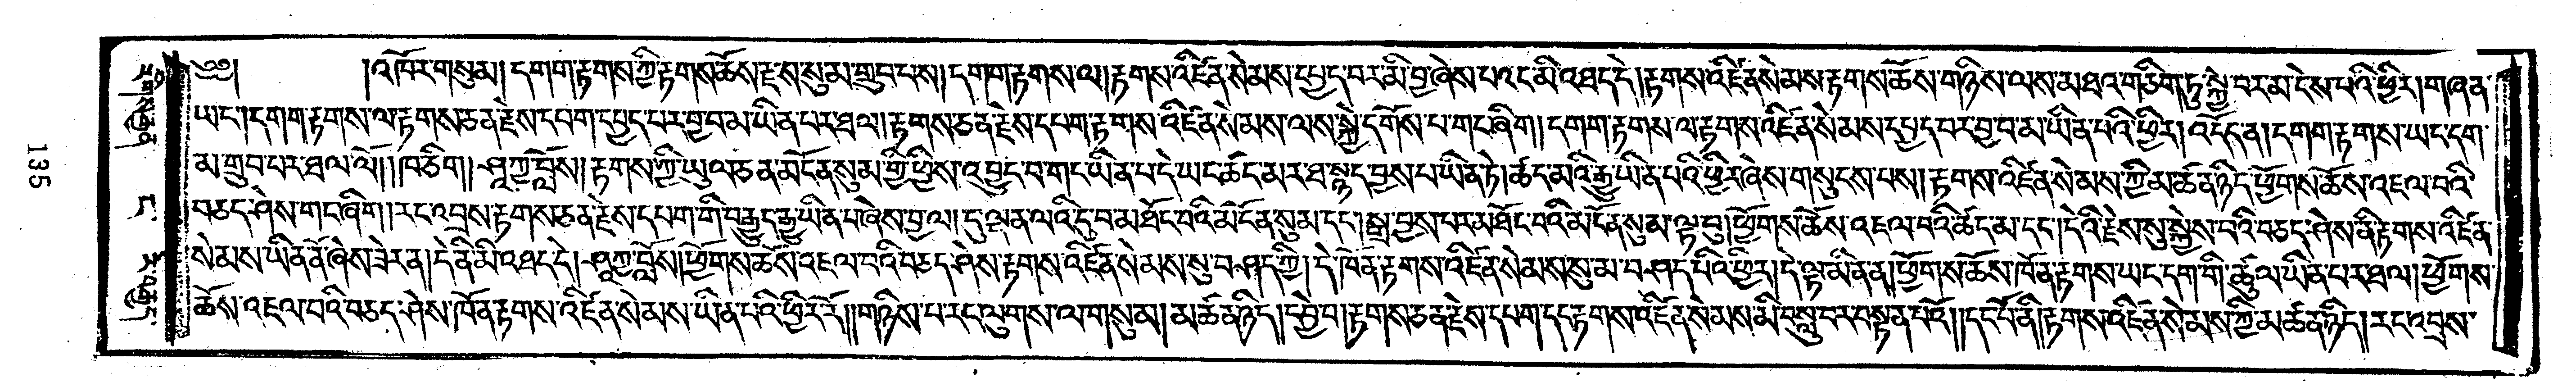༄༅། །འཁོར་གསུམ། དགག་རྟགས་ཀྱི་རྟགས་ཆོས་རྫས་སུ་མ་གྲུབ་པས། དགག་རྟགས་ལ། རྟགས་འཛིན་སེམས་དཔྱད་པར་མི་བྱ་ཞེས་པའང་མི་འཐད་དེ། རྟགས་འཛིན་སེམས་རྟགས་ཆོས་གཉིས་ལས་མཐའ་གཅིག་ཏུ་སྐྱེ་བར་མ་ངེས་པའི་ཕྱིར། གཞན་ཡང་།
དགག་རྟགས་ལ་རྟགས་ཅན་རྗེས་དཔག་དཔྱད་པར་བྱ་བ་མ་ཡིན་པར་ཐལ། རྟགས་ཅན་རྗེས་དཔག་རྟགས་འཛིན་སེམས་ལས་སྐྱེ་དགོས་པ་གང་ཞིག །དགག་རྟགས་ལ་རྟགས་འཛིན་སེམས་དཔྱད་པར་བྱ་བ་མ་ཡིན་པའི་ཕྱིར། འདོད་ན། དགག་རྟགས་ཡང་དག་
མ་གྲུབ་པར་ཐལ་ལོ། །ཁ་ཅིག །ཤཱཀྱ་བློས། རྟགས་ཀྱི་ཡུལ་ཅན་མངོན་སུམ་གྱི་ཕྱིས་འབྱུང་བ་གང་ཡིན་པ་དེ་ཡང་ཚད་མར་ཐ་སྙད་བྱས་པ་ཡིན་ཏེ། ཚད་མའི་རྒྱུ་ཡིན་པའི་ཕྱིར་ཞེས་གསུངས་པས། རྟགས་འཛིན་སེམས་ཀྱི་མཚན་ཉིད་ཕྱོགས་ཆོས་འཇལ་བའི་
བཅད་ཤེས་གང་ཞིག །རང་འབྲས་རྟགས་ཅན་རྗེས་དཔག་གི་བརྒྱུད་རྒྱུ་ཡིན་པ་ཞེས་བྱ་ལ། དུ་ལྡན་ལའི་དུ་བ་མཐོང་བའི་མངོན་སུམ་དང་། སྒྲ་བྱས་པར་མཐོང་བའི་མངོན་སུམ་ལྟ་བུ། ཕྱོགས་ཆོས་འཇལ་བའི་ཚད་མ་དང་། དེའི་རྗེས་སུ་སྐྱེས་པའི་བཅད་ཤེས་ནི་རྟགས་འཛིན་
སེམས་ཡིན་ནོ་ཞེས་ཟེར་ན། དེ་ནི་མི་འཐད་དེ། ཤཱཀྱ་བློས། ཕྱོགས་ཆོས་འཇལ་བའི་བཅད་ཤེས་རྟགས་འཛིན་སེམས་སུ་བཤད་ཀྱི། དེ་ཁོ་ན་རྟགས་འཛིན་སེམས་སུ་མ་བཤད་པའི་ཕྱིར། དེ་ལྟ་མིན་ན། ཕྱོགས་ཆོས་ཁོ་ན་རྟགས་ཡང་དག་གི་ཚུལ་ཡིན་པར་ཐལ། ཕྱོགས་
ཆོས་འཇལ་བའི་བཅད་ཤེས་ཁོ་ན་རྟགས་འཛིན་སེམས་ཡིན་པའི་ཕྱིར་རོ། །གཉིས་པ་རང་ལུགས་ལ་གསུམ། མཚན་ཉིད། དབྱེ་བ། རྟགས་ཅན་རྗེས་དཔག་དང་རྟགས་འཛིན་སེམས་མི་བསླུ་བར་བསྟན་པའོ། །དང་པོ་ནི། རྟགས་འཛིན་སེམས་ཀྱི་མཚན་ཉིད། རང་འབྲས་